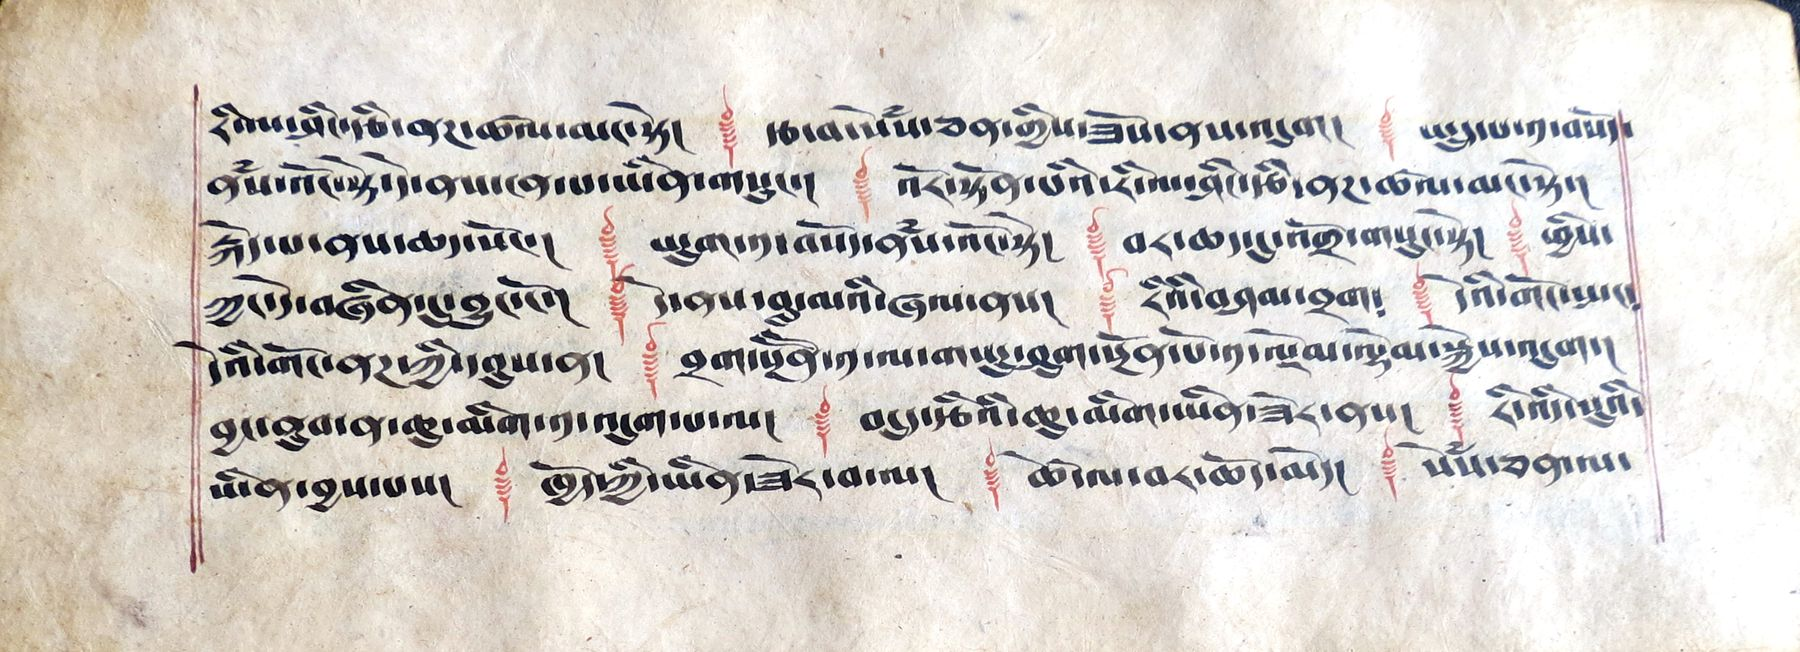རི་ལ་ཤིང་རྩི་ནགས་ཚལ་མང་སྟེ། རྩ་བ་སེམས་ཅན་གྱིས་ཟོས་ནས་འདུག ཡུད་བ་ཞིག་བསོད་
ནམས་འོང་སྟེ་དེ་ནས་ངན་པ་ཡིན་གསུངས། འོར་སྟོན་པའི་རི་ལ་ཤིང་རྩི་ནགས་ཚལ་མང་སྟེ། 
རྐེད་པ་ནས་ཆད་སོང་། ཡུད་ཅིག་བསོད་ནམས་འོང་སྟེ་བར་ཆད་དུ་འགྲོ་གསུངས་ཏེ། ཕྱིས་
ཀྱང་དེ་བཞིན་དུ་བྱུང་ངོ། ། དེ་ནས་བླ་མའི་ཞལ་ནས། རིའི་བཤམ་བྲག དེའི་གོང་སྤང་། 
དེའི་གོང་ནགས་ཀྱི་དབུས་ན་བྲག་གཅིག་ལ་གཡུ་ཤུག་སྔོན་པོ་ལྡེམ་ལྡེམ་སྐྱེས་འདུག 
བྱང་ནུབ་ན་ཆུ་མིག་ཅིག་འདུག་པ་ལ། བདུད་རྩིའི་ཆུ་མིག་ཡིན་ཟེར་ནས། རི་འདི་སུའི་
ཡིན་བྱས་པས། ཁྱོད་ཀྱི་ཡིན་ཟེར་བ་ལ། ཚེ་ལ་བར་ཆོད་མེད་སེམས་ཅན་ལ་